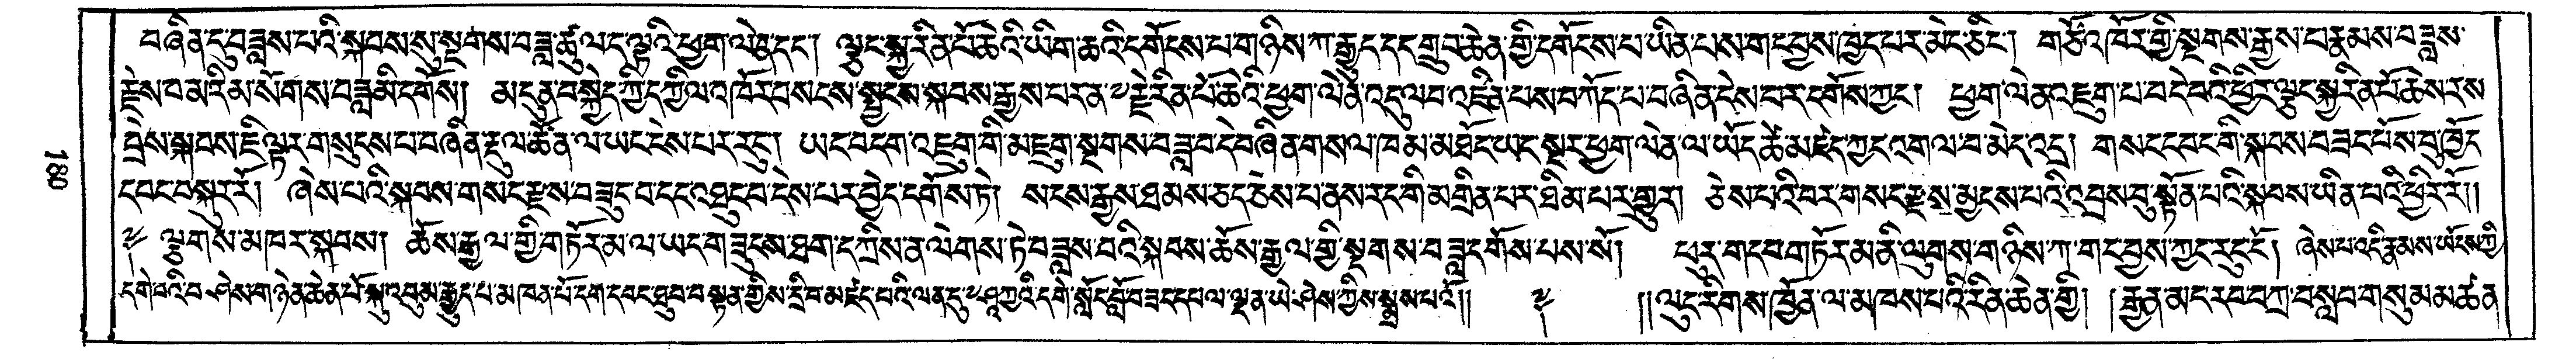བཞིན་དུ་བཟླས་པའི་སྐབས་སུ་སྔགས་བཟླ་ཚུལ་ད་ལྟའི་ཕྱག་ལེན་དང་། ལྕང་སྐྱ་རིན་པོ་ཆེའི་ཡིག་ཆའི་དགོངས་པ་གཉིས་ཀ་རྒྱུད་དང་གྲུབ་ཆེན་གྱི་དགོངས་པ་ཡིན་པས་གང་བྱས་ཁྱད་པར་མེད་ཅིང་། གཙོ་འཁོར་གྱི་སྔགས་རྒྱས་པ་རྣམས་བཟླས་
རྗེས་བམ་རིམ་སོགས་བཟླ་མི་དགོས། མདུན་བསྐྱེད་ཀྱི་དཀྱིལ་འཁོར་བསངས་སྦྱངས་སྐབས་རྒྱས་པར་ན ༧་རྗེ་རིན་པོ་ཆེའི་ཕྱག་ལེན་འདུལ་བ་འཛིན་པས་བཀོད་པ་བཞིན་ངེས་པར་དགོས་ཀྱང་། ཕྱག་ལེན་འཇུག་པ་བདེ་བའི་ཕྱིར་ལྕང་སྐྱ་རིན་པོ་ཆེས་རས་
བྲིས་སྐབས་ཇི་ལྟར་གསུངས་པ་བཞིན་རྡུལ་ཚོན་ལ་ཡང་ངེས་པར་རུང་། ཡང་བདག་འཇུག་གི་མཇུག་སྔགས་བཟླ་བ་དེ་བཞིན་གསལ་ཁ་མ་མཐོང་ཡང་སྔར་ཕྱག་ལེན་ལ་ཡོད་ཚེ་མཛད་ཀྱང་འགལ་བ་མེད་འདྲ། གསང་དབང་གི་སྐབས་བཟང་པོས་བུ་ཁྱོད་
དབང་བསྐུར་རོ། །ཞེས་པའི་སྐབས་གསང་རྫས་བཟུང་བ་དང་འཐུང་བ་ངེས་པར་བྱེད་དགོས་ཏེ། སངས་རྒྱས་ཐམས་ཅད་ཅེས་པ་ནས་རང་གི་མགྲིན་པར་ཐིམ་པར་གྱུར། ཅེས་པའི་བར་གསང་རྫས་མྱངས་པའི་འབྲས་བུ་སྟོན་པའི་སྐབས་ཡིན་པའི་ཕྱིར་རོ།
༈ ལྕགས་མཁར་སྐབས། ཆོས་རྒྱལ་གྱི་གཏོར་མ་ལ་ཡང་གཟུངས་ཐག་དཀྲིས་ན་ལེགས་ཏེ་བཟླས་པའི་སྐབས་ཆོས་རྒྱལ་གྱི་སྔགས་བཟླ་དགོས་པས་སོ། ཕུར་གདབ་གཏོར་མ་ནི་ལུགས་གཉིས་ཀ་གང་བྱས་ཀྱང་རུང་ངོ། །ཞེས་པ་འདི་རྣམས་ཡོངས་ཀྱི་
དགེ་བའི་བཤེས་གཉེན་ཆེན་པོ་སྐུ་འབུམ་རྒྱུད་པ་མཁན་པོ་ངག་དབང་ཐུབ་བསྟན་གྱིས་དྲི་བ་མཛད་པའི་ལན་དུ ༧ཤཱཀྱའི་དགེ་སློང་བློ་བཟང་དཔལ་ལྡན་ཡེ་ཤེས་ཀྱིས་སྨྲས་པའོ།། ༈ །།ལུང་རིགས་ཁྱོན་ལ་མཁས་པའི་རིན་ཆེན་གྱི། །རྒྱན་མང་རབ་བཀྲ་བསླབ་གསུམ་མཚན་